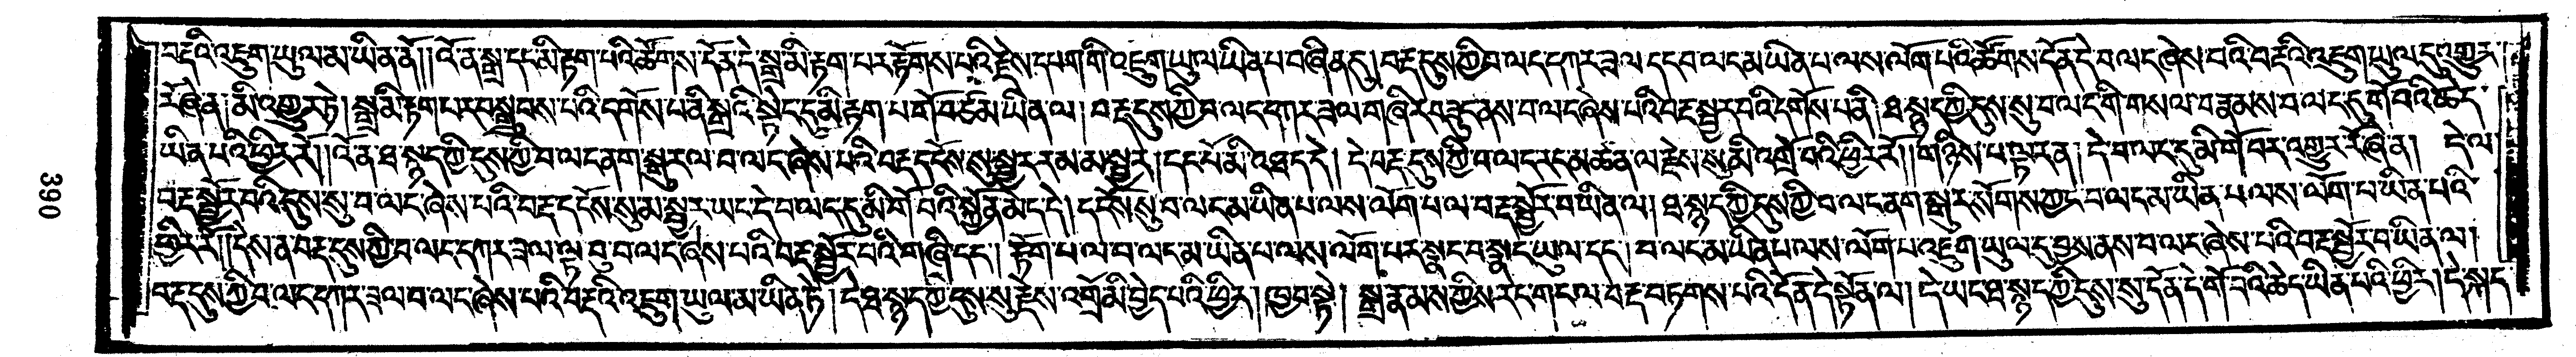བརྡའི་འཇུག་ཡུལ་མ་ཡིན་ནོ། །འོ་ན་སྒྲ་དང་མི་རྟག་པའི་ཚོགས་དོན་དེ་སྒྲ་མི་རྟག་པར་རྟོགས་པའི་རྗེས་དཔག་གི་འཇུག་ཡུལ་ཡིན་པ་བཞིན་དུ། བརྡ་དུས་ཀྱི་བ་ལང་དཀར་ཟལ་དང་བ་ལང་མ་ཡིན་པ་ལས་ལོག་པའི་ཚོགས་དོན་དེ་བ་ལང་ཞེས་པའི་བརྡའི་འཇུག་ཡུལ་དུ་འགྱུར་
རོ་ཞེ་ན། མི་འགྱུར་ཏེ། སྒྲ་མི་རྟག་པར་བསྒྲུབས་པའི་དགོས་པ་ནི་སྒྲའི་སྟེང་དུ་མི་རྟག་པ་གོ་བ་ཙམ་ཡིན་ལ། བརྡ་དུས་ཀྱི་བ་ལང་དཀར་ཟལ་གཞིར་བཟུང་ནས་བ་ལང་ཞེས་པའི་བརྡ་སྦྱར་བའི་དགོས་པ་ནི། ཐ་སྙད་ཀྱི་དུས་སུ་བ་ལང་གི་གསལ་བ་རྣམས་པ་ལང་དུ་གོ་བའི་ཆོད་
ཡིན་པའི་ཕྱིར་རོ། །འོ་ན་ཐ་སྙད་ཀྱི་དུས་ཀྱི་བ་ལང་ནག་སྒུར་ལ་བ་ལང་ཞེས་པའི་བརྡ་དངོས་སུ་སྦྱར་རམ་མ་སྦྱར། དང་པོ་མི་འཐད་དེ། དེ་བརྡ་དུས་ཀྱི་བ་ལང་རང་མཚན་ལ་རྗེས་སུ་མི་འགྲོ་བའི་ཕྱིར་རོ། །གཉིས་པ་ལྟར་ན། དེ་བ་ལང་དུ་མི་གོ་བར་འགྱུར་རོ་ཞེ་ན། དེ་ལ་
བརྡ་སྦྱོར་བའི་དུས་སུ་བ་ལང་ཞེས་པའི་བརྡ་དངོས་སུ་མ་སྦྱར་ཡང་དེ་བ་ལང་དུ་མི་གོ་བའི་སྐྱོན་མེད་དེ། དངོས་སུ་བ་ལང་མ་ཡིན་པ་ལས་ལོག་པ་ལ་བརྡ་སྦྱར་བ་ཡིན་ལ། ཐ་སྙད་ཀྱི་དུས་ཀྱི་བ་ལང་ནག་སྒུར་སོགས་ཀྱང་བ་ལང་མ་ཡིན་པ་ལས་ལོག་པ་ཡིན་པའི་
ཕྱིར་རོ། །དེས་ན་བརྡ་དུས་ཀྱི་བ་ལང་དཀར་ཟལ་ལྟ་བུ་བ་ལང་ཞེས་པའི་བརྡ་སྦྱོར་བའི་གཞི་དང་། རྟོག་པ་ལ་བ་ལང་མ་ཡིན་པ་ལས་ལོག་པར་སྣང་བ་སྣང་ཡུལ་དང་། བ་ལང་མ་ཡིན་པ་ལས་ལོག་པ་འཇུག་ཡུལ་དུ་བྱས་ནས་བ་ལང་ཞེས་པའི་བརྡ་སྦྱོར་བ་ཡིན་ལ།
བརྡ་དུས་ཀྱི་བ་ལང་དཀར་ཟལ་བ་ལང་ཞེས་པའི་བརྡའི་འཇུག་ཡུལ་མ་ཡིན་ཏེ། དེ་ཐ་སྙད་ཀྱི་དུས་སུ་རྗེས་འགྲོ་མི་བྱེད་པའི་ཕྱིར། ཁྱབ་སྟེ། སྒྲ་རྣམས་ཀྱིས་རང་གང་ལ་བརྡ་བཏགས་པའི་དོན་དེ་སྟོན་ལ། དེ་ཡང་ཐ་སྙད་ཀྱི་དུས་སུ་དོན་དེ་གོ་བའི་ཆོད་ཡིན་པའི་ཕྱིར། དེ་སྐད་